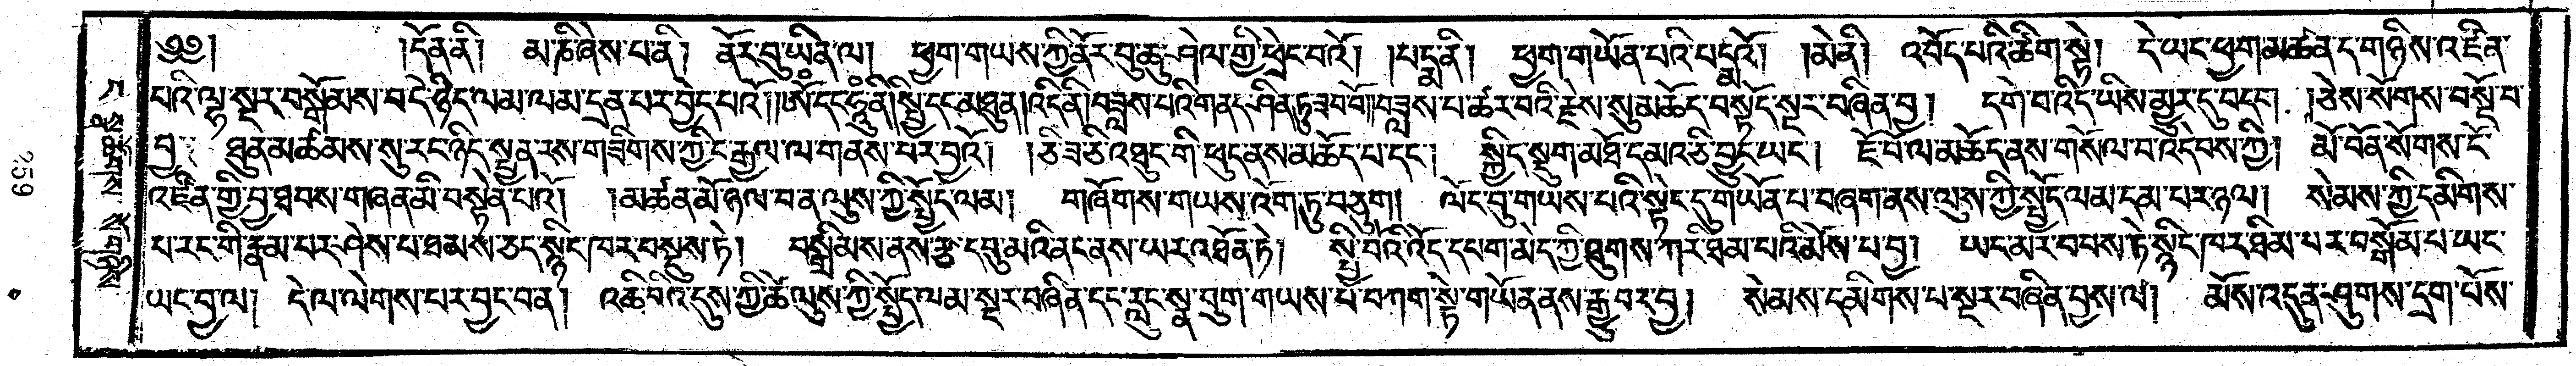༄༅། །དོན་ནི། མ་ཎི་ཞེས་པ་ནི། ནོར་བུ་ཡིན་ལ། ཕྱག་གཡས་ཀྱི་ནོར་བུ་ཆུ་ཤེལ་གྱི་ཕྲེང་བའོ། །པདམ་ནི། ཕྱག་གཡོན་པའི་པདམའོ། །མེ་ནི། འབོད་པའི་ཚིག་སྟེ། དེ་ཡང་ཕྱག་མཚན་ད་གཉིས་འཛིན་
པའི་ལྷ་སྔར་བསྒོམས་བདེ་ཉིད་ལམ་ལམ་དྲན་པར་བྱེད་པའོ། །ཨོཾ་དང་ཧཱུཾ་ནི། སྤྱི་དང་མཐུན། འདི་ནི་བཟླས་པའི་གནད་ཤིན་ཏུ་ཟབ་བོ། །བཟླས་པ་ཚར་བའི་རྗེས་སུ་མཆོད་བསྟོད་སྔར་བཞིན་བྱ། དགེ་བ་འདི་ཡིས་མྱུར་དུ་བདང་། །ཅེས་སོགས་བསྔོ་བ་
བྱ༑ ཐུན་མཚམས་སུ་རང་ཉིད་སྤྱན་རས་གཟིགས་ཀྱི་ང་རྒྱལ་ལ་གནས་པར་བྱའོ། །ཅི་ཟ་ཅི་འཐུང་གི་ཕུད་ནས་མཆོད་པ་དང་། སྐྱིད་སྡུག་མཐོ་དམའ་ཅི་བྱུང་ཡང་། ཇོ་བོ་ལ་མཆོད་ནས་གསོལ་བ་འདེབས་ཀྱི། མོ་བོན་སོགས་ངོ་
འཛིན་གྱི་བྱ་ཐབས་གཞན་མི་བསྟེན་པའོ། །མཚན་མོ་ཉལ་བ་ན་ལུས་ཀྱི་སྤྱོད་ལམ། གཞོགས་གཡས་འོག་ཏུ་བཅུག། ལོང་བུ་གཡས་པའི་སྟེང་དུ་གཡོན་པ་བཞག་ནས་ལུས་ཀྱི་སྤྱོད་ལམ་དམ་པར་ཉལ། སེམས་ཀྱི་དམིགས་
པ་རང་གི་རྣམ་པར་ཤེས་པ་ཐམས་ཅད་སྙིང་ཁར་བསྡུས་ཏེ། བསྒྲིམས་ནས་རྩ་དབུ་མའི་ནང་ནས་ཡར་འཐོན་ཏེ། སྤྱི་བོའི་འོད་དཔག་མེད་ཀྱི་ཐུགས་ཀར་ཐིམ་པའི་མོས་པ་བྱ། ཡང་མར་བབས་ཏེ་སྙིང་ཁར་ཐིམ་པར་བསྒོམ་པ་ཡང་
ཡང་བྱ་ལ། དེ་ལ་ལེགས་པར་བྱང་བ་ན། འཆི་བའི་དུས་ཀྱི་ཚེ་ལུས་ཀྱི་སྤྱོད་ལམ་སྔར་བཞིན་དང་རླུང་སྣ་བུག་གཡས་པ་བཀག་སྟེ་གཡོན་ནས་རྒྱུ་བར་བྱ། སེམས་དམིགས་པ་སྔར་བཞིན་བྱས་ལ། མོས་འདུན་ཤུགས་དྲག་པོས་